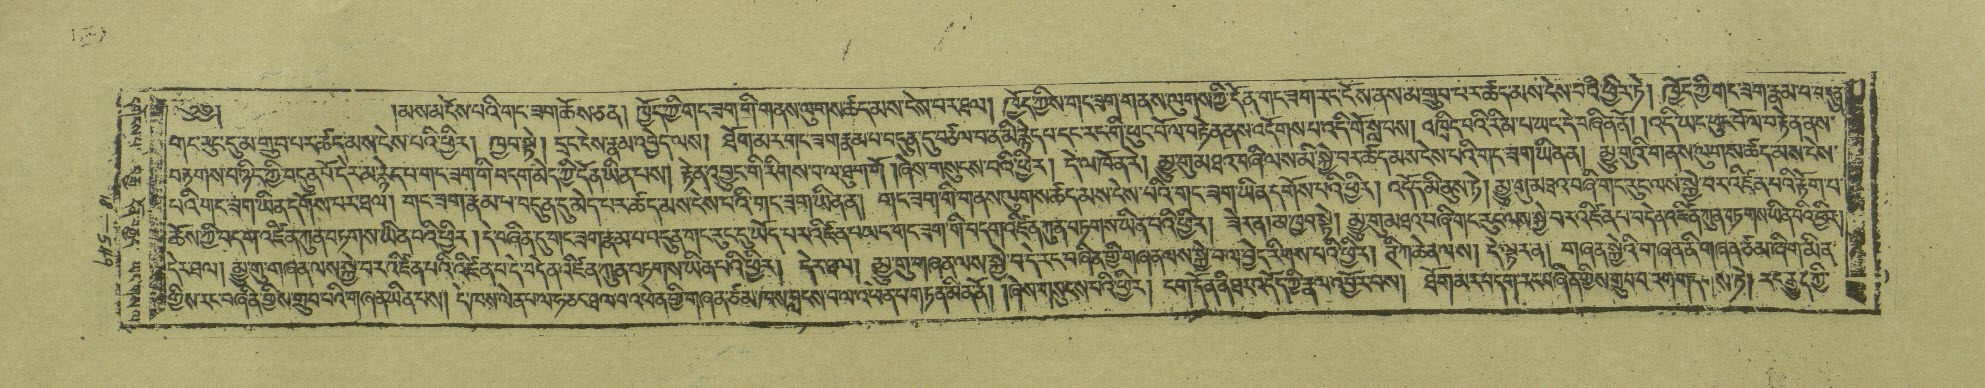༄༅། །མས་མ་ངེས་པའི་གང་ཟག་ཆོས་ཅན། ཁྱོད་ཀྱི་གང་ཟག་གི་གནས་ལུགས་ཚད་མས་ངེས་པར་ཐལ། ཁྱོད་ཀྱིས་གང་ཟག་གནས་ལུགས་ཀྱི་དོན་གང་ཟག་རང་ངོས་ནས་མ་གྲུབ་པར་ཚད་མས་ངེས་པའི་ཕྱིར་ཏེ། ཁྱོད་ཀྱི་གང་ཟག་རྣམ་པ་བདུན་
གང་རུང་དུ་མ་གྲུབ་པར་ཚད་མས་ངེས་པའི་ཕྱིར། ཁྱབ་སྟེ། དྲང་ངེས་རྣམ་འབྱེད་ལས། ཐོག་མར་གང་ཟག་རྣམ་པ་བདུན་དུ་བཙལ་བ་ན་མི་རྙེད་པ་དང་རང་གི་ཕུང་པོ་ལ་བརྟེན་ནས་འདོགས་པ་འདི་གོ་སླ་བས། འཁྲིད་པའི་རིམ་པ་ཡང་དེ་བཞིན་ནོ། །འདི་ཡང་ཕུང་པོ་ལ་བརྟེན་ནས་
བཏགས་པ་ཉིད་ཀྱི་བདུན་པོ་དེར་མ་རྙེད་པ་གང་ཟག་གི་བདག་མེད་ཀྱི་དོན་ཡིན་པས། རྟེན་འབྱུང་གི་རིགས་པ་ལ་ཐུག་གོ །ཞེས་གསུངས་པའི་ཕྱིར། དེ་ལ་ཁོ་ན་རེ། མྱུ་གུ་མཐའ་བཞི་ལས་མི་སྐྱེ་བར་ཚད་མས་ངེས་པའི་གང་ཟག་ཡིན་ན། མྱུ་གུའི་གནས་ལུགས་ཚད་མས་ངེས་
པའི་གང་ཟག་ཡིན་དགོས་པར་ཐལ། གང་ཟག་རྣམ་པ་བདུན་དུ་མེད་པར་ཚད་མས་ངེས་པའི་གང་ཟག་ཡིན་ན། གང་ཟག་གི་གནས་ལུགས་ཚད་མས་ངེས་པའི་གང་ཟག་ཡིན་དགོས་པའི་ཕྱིར། འདོད་མི་ནུས་ཏེ། མྱུ་གུ་མཐའ་བཞི་གང་རུང་ལས་སྐྱེ་བར་འཛིན་པའི་རྟོག་པ་
ཆོས་ཀྱི་བདག་འཛིན་ཀུན་བཏགས་ཡིན་པའི་ཕྱིར། དེ་བཞིན་དུ་གང་ཟག་རྣམ་པ་བདུན་གང་རུང་དུ་ཡོད་པར་འཛིན་པ་ཡང་གང་ཟག་གི་བདག་འཛིན་ཀུན་བཏགས་ཡིན་པའི་ཕྱིར། ཟེར་ན། མ་ཁྱབ་སྟེ། མྱུ་གུ་མཐའ་བཞི་གང་རུང་ལས་སྐྱེ་བར་འཛིན་པ་བདེན་འཛིན་ཀུན་བཏགས་ཡིན་པའི་ཕྱིར།
དེར་ཐལ། མྱུ་གུ་གཞན་ལས་སྐྱེ་བར་འཛིན་པའི་འཛིན་པ་དེ་བདེན་འཛིན་ཀུན་བཏགས་ཡིན་པའི་ཕྱིར། དེར་ཐལ། མྱུ་གུ་གཞན་ལས་སྐྱེ་བ་དེ་རང་བཞིན་གྱི་གཞན་ལས་སྐྱེ་བ་ལ་བྱེད་རིགས་པའི་ཕྱིར། ཊིཀ་ཆེན་ལས། དེ་ལྟར་ན། གཞན་སྐྱེའི་གཞན་ནི་གཞན་ཙམ་ཞིག་མིན་
གྱིས་རང་བཞིན་གྱིས་གྲུབ་པའི་གཞན་ཡིན་པས། དེ་ཁས་ལེན་པ་ལ་ཧ་ཅང་ཐལ་བ་འཕེན་གྱི་གཞན་ཙམ་ཁས་བླངས་པ་ལ་འཕེན་པ་གཏན་མིན་ནོ། །ཞེས་གསུངས་པའི་ཕྱིར། ངག་དོན་ནི་ཐར་འདོད་ཀྱི་རྣལ་འབྱོར་པས། ཐོག་མར་བདག་རང་བཞིན་གྱིས་གྲུབ་པ་འགོག་དགོས་ཏེ། རང་རྒྱུད་ཀྱི་